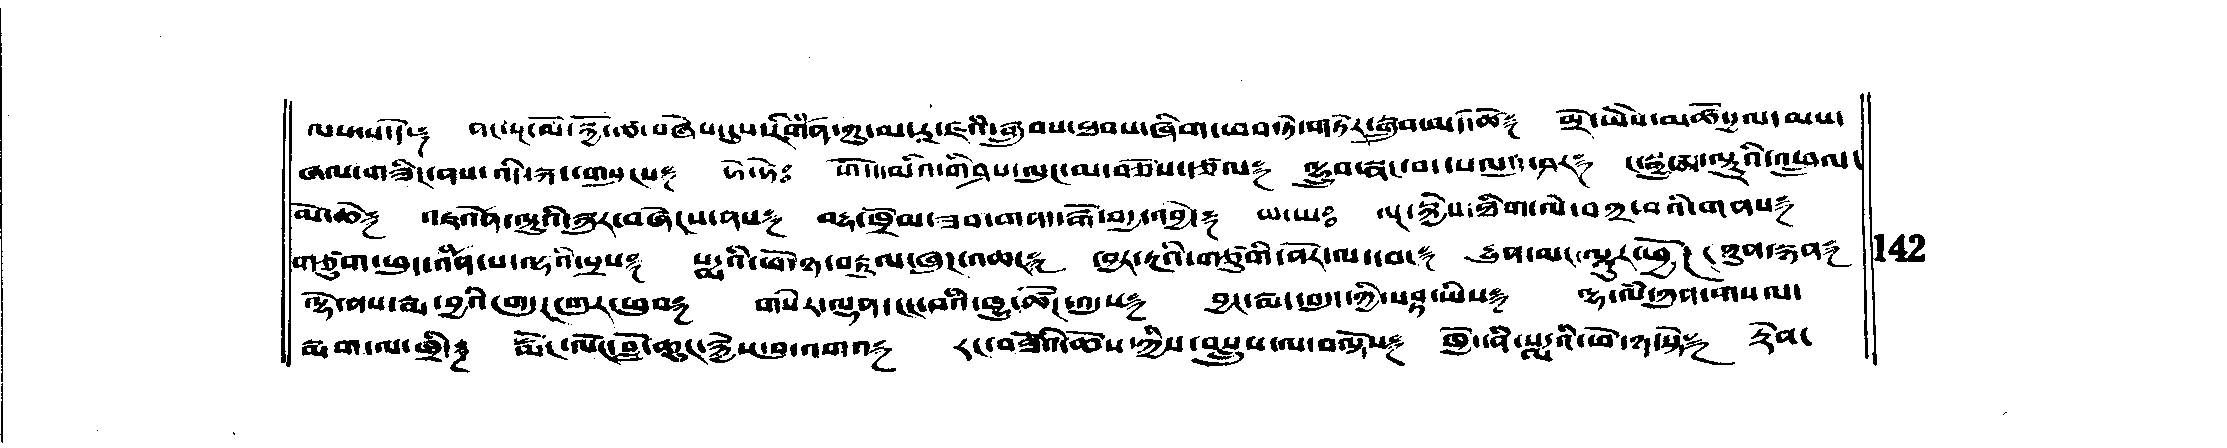ལས་སད་དོ། ནངས་སྔ་མོ་སྐྱོ་ཚ་བཞེས་དུས་རིག་འཛིན་ཀུ་མ་རཱ་ཛའི་སྒྲུབ་ཐབས་ཞིག་ཕབ་ཏེ་གཏེར་སྒྲུབ་མཛད་ཚེ། མཁའ་འགྲོ་ཡེ་ཤེས་མཚོ་རྒྱལ་མས་
ཞལ་གཟིགས་ནས་འདི་སྐད་གསུངས། ཧོ་ཧོཿ གདོད་མའི་གཤིས་ལུག་མ་བཅོས་རྩལ། །ལྷུན་གྲུབ་སྣང་བ་དཔལ་དུ་ཤར། །ང་སྒྱུ་མ་ལྟ་བུའི་འཕྲུལ་
མོ་ཆེ། །འཇའ་མཚོན་ལྟ་བུའི་སྐུར་བཞེངས་ནས། །བརྡ་ཁྲོམ་ཟབ་གནད་སྒོ་བརྒྱད་འབྱེད། ཡ་ཡཿ ལྔ་སྐྱེས་ཐིག་ལེ་བཀྲ་བའི་གནས། །
གཙུག་ཕུད་འཛིན་པ་ལྷའི་སྲས། །པདྨའི་ཕོ་ཉ་བརྟུལ་ཞུགས་འཆང་། །དབྱར་རྔའི་གཙུག་གི་ནོར་ལ་དབང་། །རྒྱུད་མང་ལྟ་བུར་ཕྱོགས་ཀུན་སྙན། །
ལྷོ་ནས་རྨ་བྱའི་གདུགས་གུར་ཕུབ། །གསེར་ལྡན་ངང་པའི་ཁྱུ་ཚོགས་འདུས། །བྱང་སྨད་བདུད་ཀྱི་སབྟ་ཡིས། །ལྷ་ལམ་ཀུན་གསལ་
སྨག་ལ་ཁྲིད། །རྨོངས་ལོང་བློ་ཆུང་སྐྱེས་བུ་འགའ། །རང་བཟོའི་ཆོས་ཀྱིས་བསླུས་ལ་བལྟོས།ཁྱོད་ནི་པདྨའི་ཕོ་ཉ་སྟེ། །རྟེན་